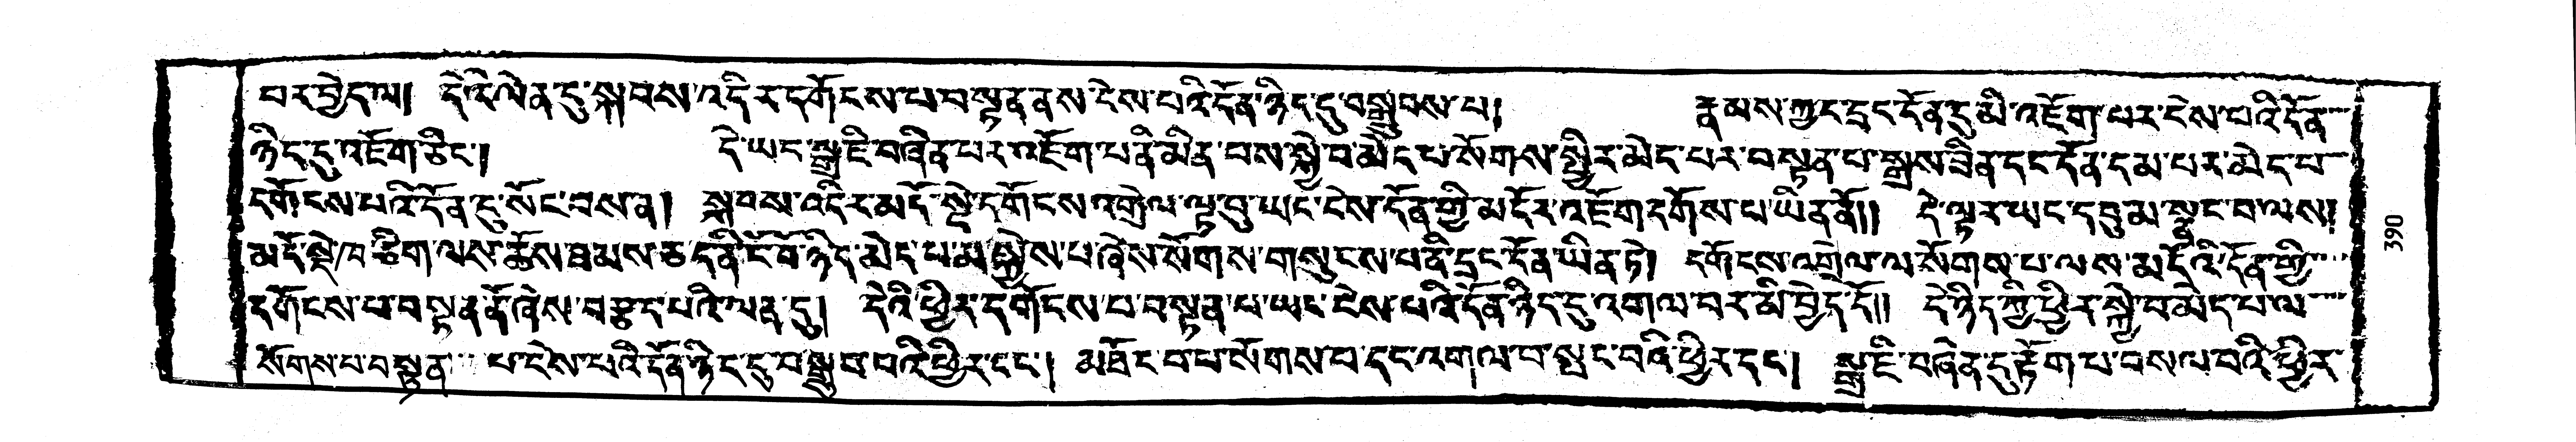པར་བྱེད་ལ། དེའི་ལེན་དུ་སྐབས་འདིར་དགོངས་པ་བསྟན་ནས་ངེས་པའི་དོན་ཉིད་དུ་བསྒྲུབས་པ། རྣམས་ཀྱང་དྲང་དོན་དུ་མི་འཇོག་པར་ངེས་པའི་དོན་
ཉིད་དུ་འཇོག་ཅིང་། དེ་ཡང་སྒྲ་ཇི་བཞིན་པར་འཇོག་པ་ནི་མིན་པས་སྐྱེ་བ་མེད་པ་སོགས་སྤྱིར་མེད་པར་བསྟན་པ་སྒྲས་ཟིན་དང་དོན་དམ་པར་མེད་པ་
དགོངས་པའི་དོན་དུ་སོང་བས་ན། སྐབས་འདིར་མདོ་སྡེ་དགོངས་འགྲེལ་ལྟ་བུ་ཡང་ངེས་དོན་གྱི་མདོར་འཇོག་དགོས་པ་ཡིན་ནོ། །དེ་ལྟར་ཡང་དབུ་མ་སྣང་བ་ལས།
མདོ་སྡེ་ཁ་ཅིག་ལས་ཆོས་ཐམས་ཅད་ནི་ངོ་བོ་ཉིད་མེད་པ་མ་སྐྱེས་པ་ཞེས་སོགས་གསུངས་པ་ནི་དྲང་དོན་ཡིན་ཏེ། དགོངས་འགྲེལ་ལ་སོགས་པ་ལས་མདོའི་དོན་གྱི་
དགོངས་པ་བསྟན་ནོ་ཞེས་བརྩད་པའི་ལན་དུ། དེའི་ཕྱིར་དགོངས་པ་བསྟན་པ་ཡང་ངེས་པའི་དོན་ཉིད་དུ་འགལ་བར་མི་བྱེད་དོ། །དེ་ཉིད་ཀྱི་ཕྱིར་སྐྱེ་བ་མེད་པ་ལ་
སོགས་པ་བསྟན་པ་ངེས་པའི་དོན་ཉིད་དུ་བསྒྲུབ་པའི་ཕྱིར་དང་། མཐོང་བ་ལ་སོགས་པ་དང་འགལ་བ་སྤང་བའི་ཕྱིར་དང་། སྒྲ་ཇི་བཞིན་དུ་རྟོག་པ་བསལ་བའི་ཕྱིར་